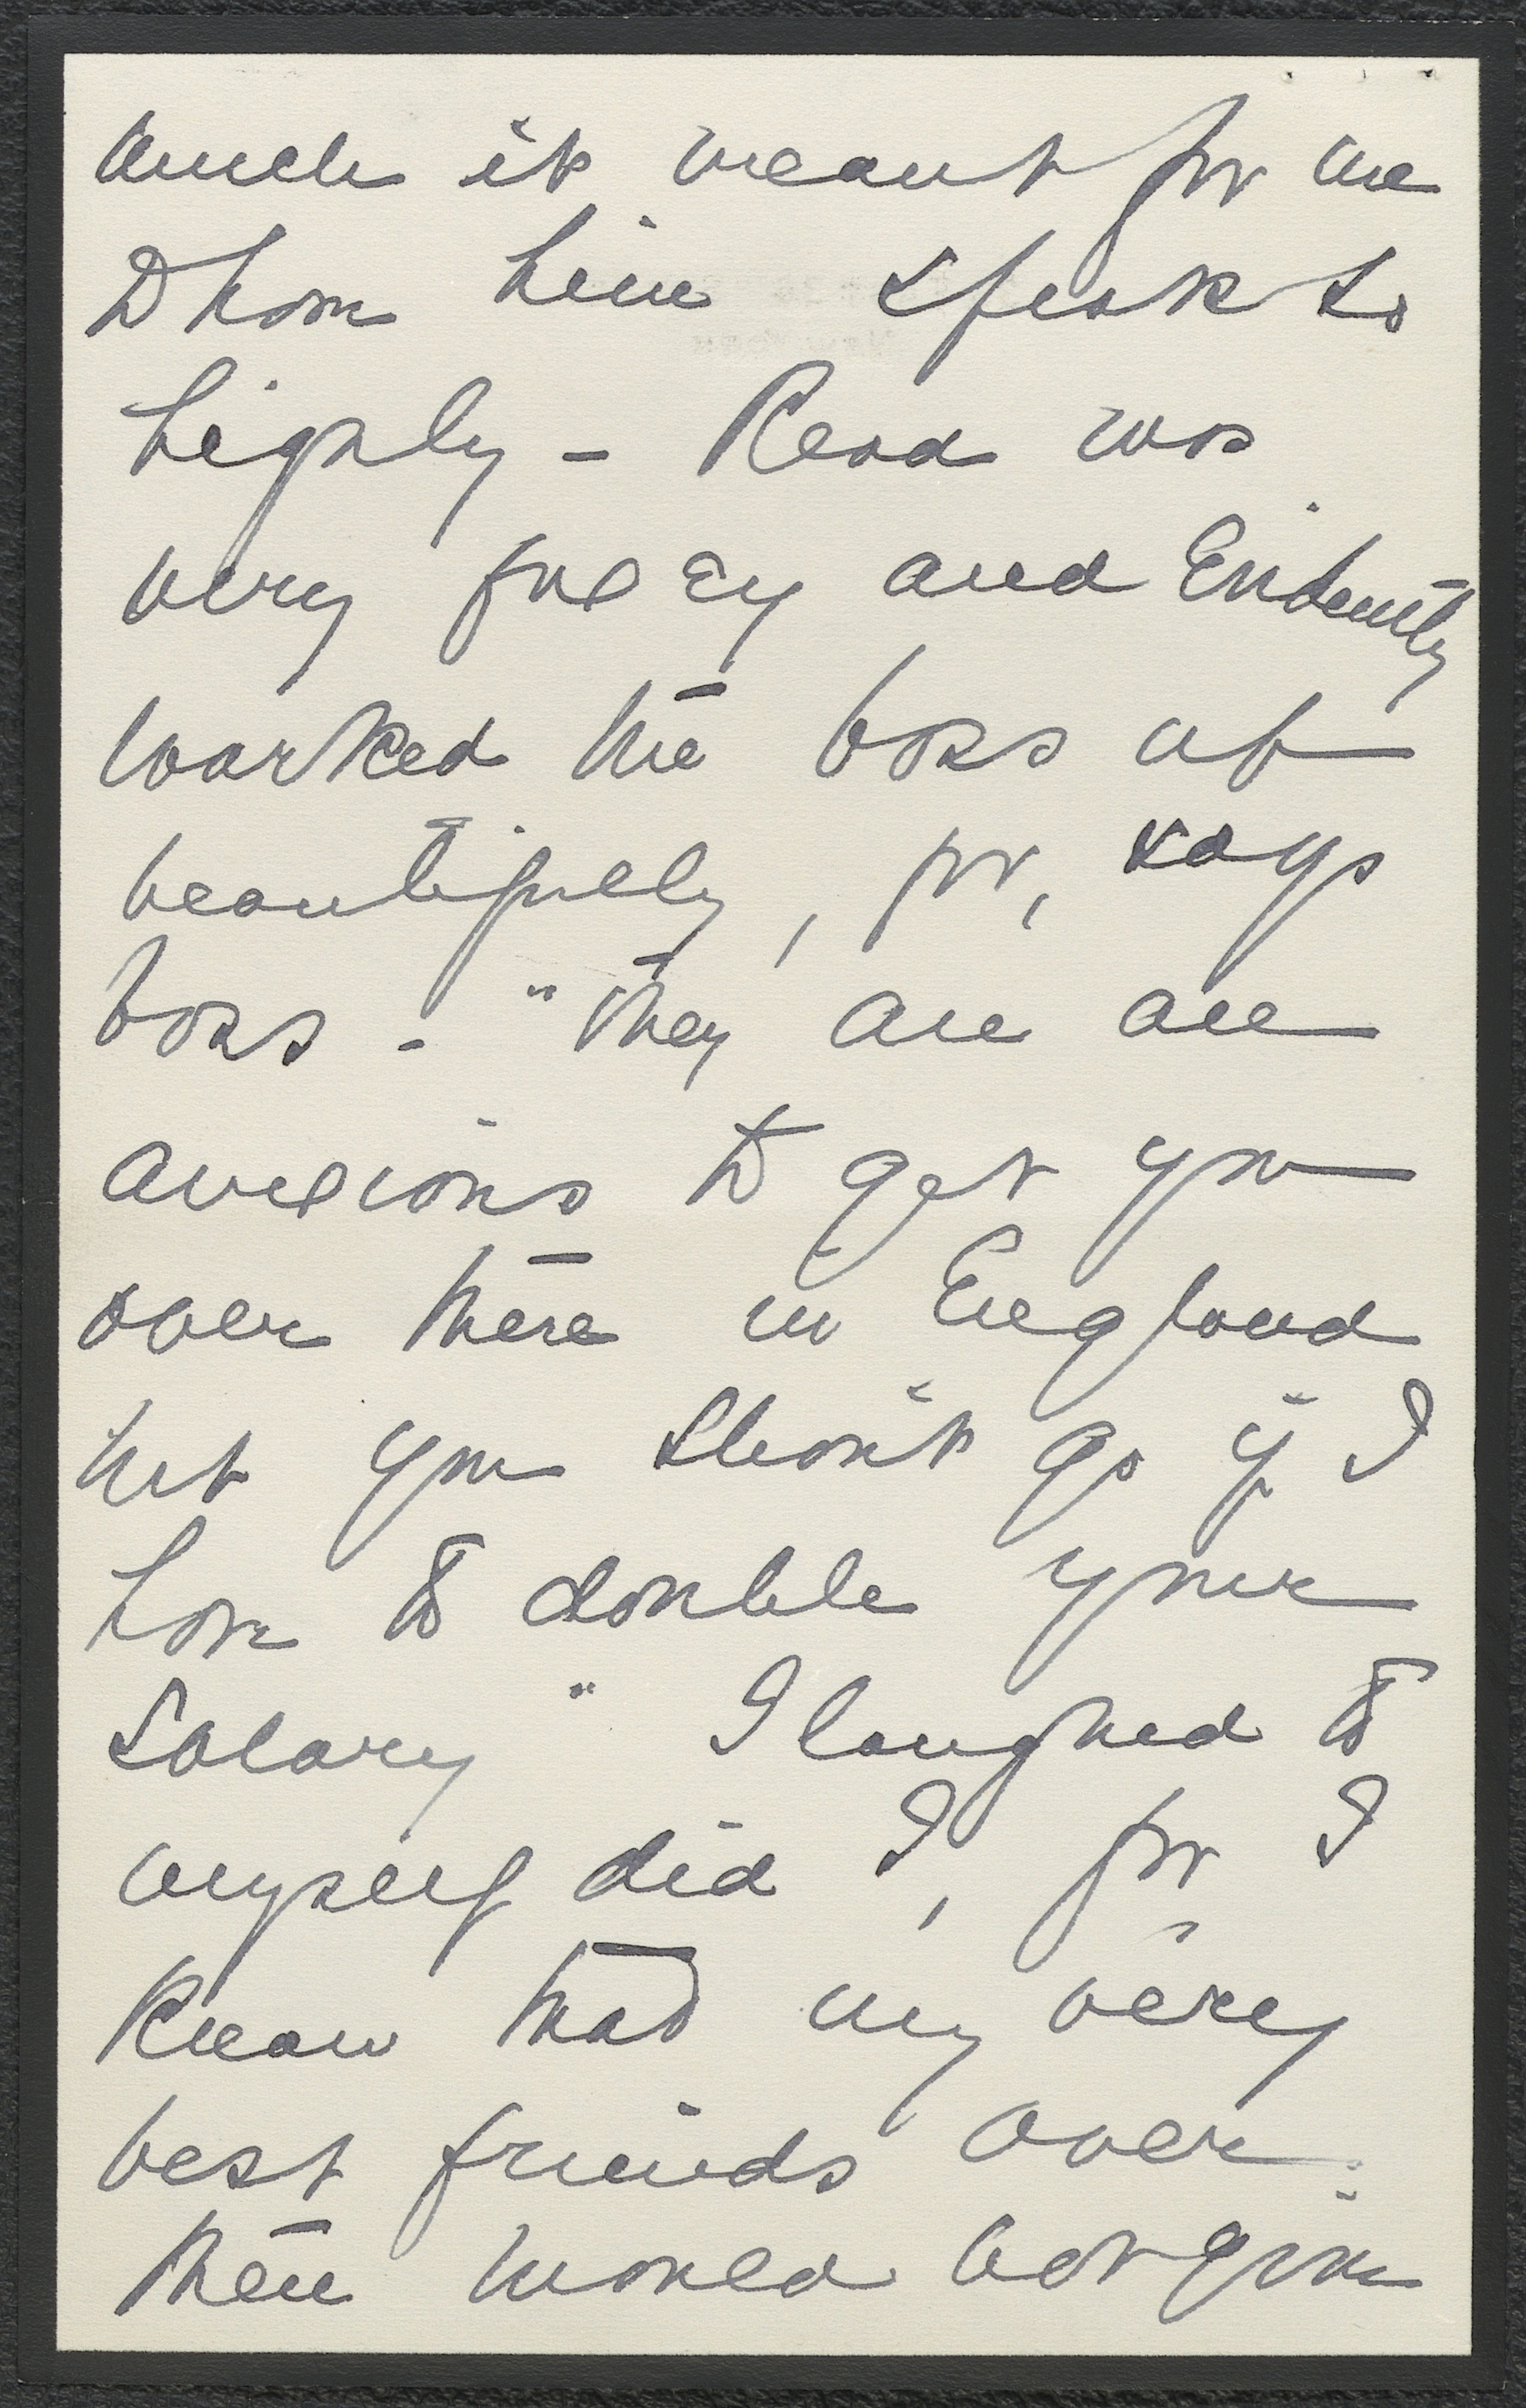much it meant for me to have him speak so highly – Read was very foxey and evidently marked the boss up beautifully, for, says boss – “they are all anxious to get you over there in England but you shan’t go if I have to double your salary” I laughed to myself did I, for I know that my very best friends over there would not give